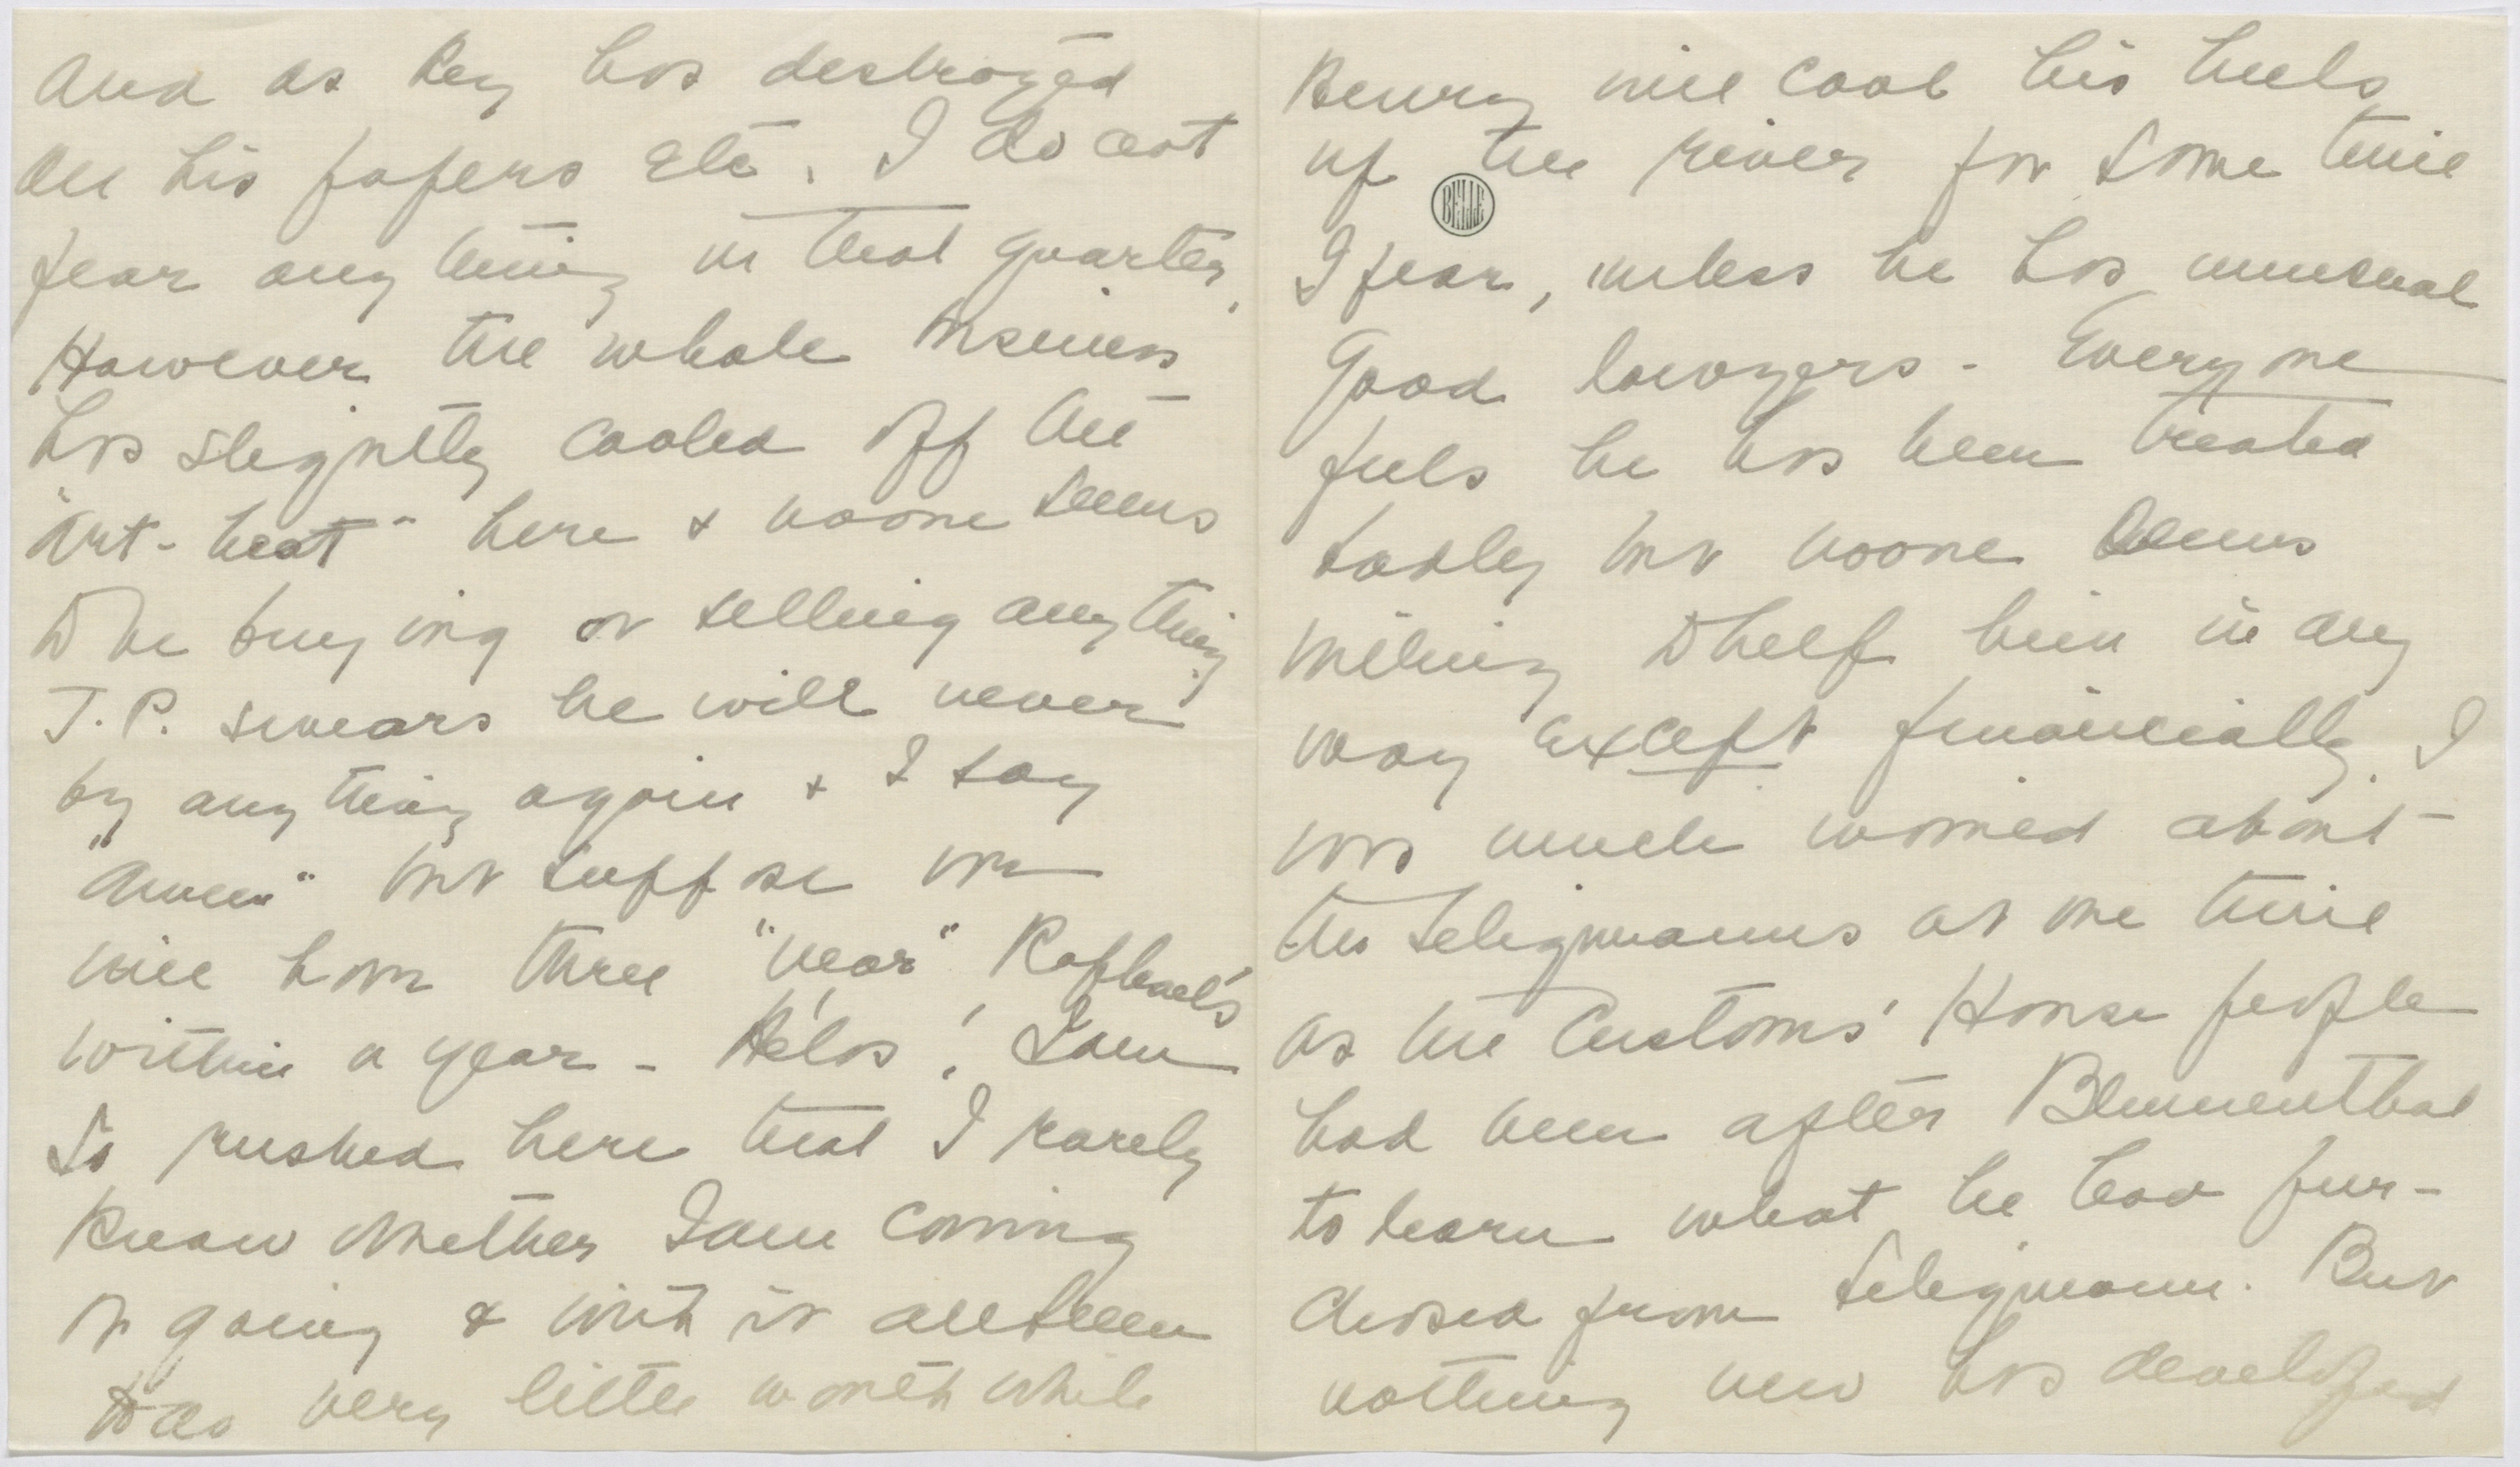Henry will cool his heels up the river for some time I fear, unless he has unusual good lawyers – Everyone feels he has been treated badly but noone seems willing to help him in any way except financially. I was much worried about the Seligmanns at one time as the Customs’ House people had been after Blumenthal to learn what he had purchased from Seligmann. But nothing new has developed
and as Rey has destroyed all his papers etc. I do not fear any thing in that quarter. However the whole business has slightly cooled off the “art-heat” here & noone seems to be buying or selling anything. J. P. swears he will never by [sic] any thing again & I say “amen” but suppose we will have three “near” Raphael’s [sic] within a year – Helas! I am so rushed here that I rarely know whether I am coming or going & with it all seem to do very little worth while